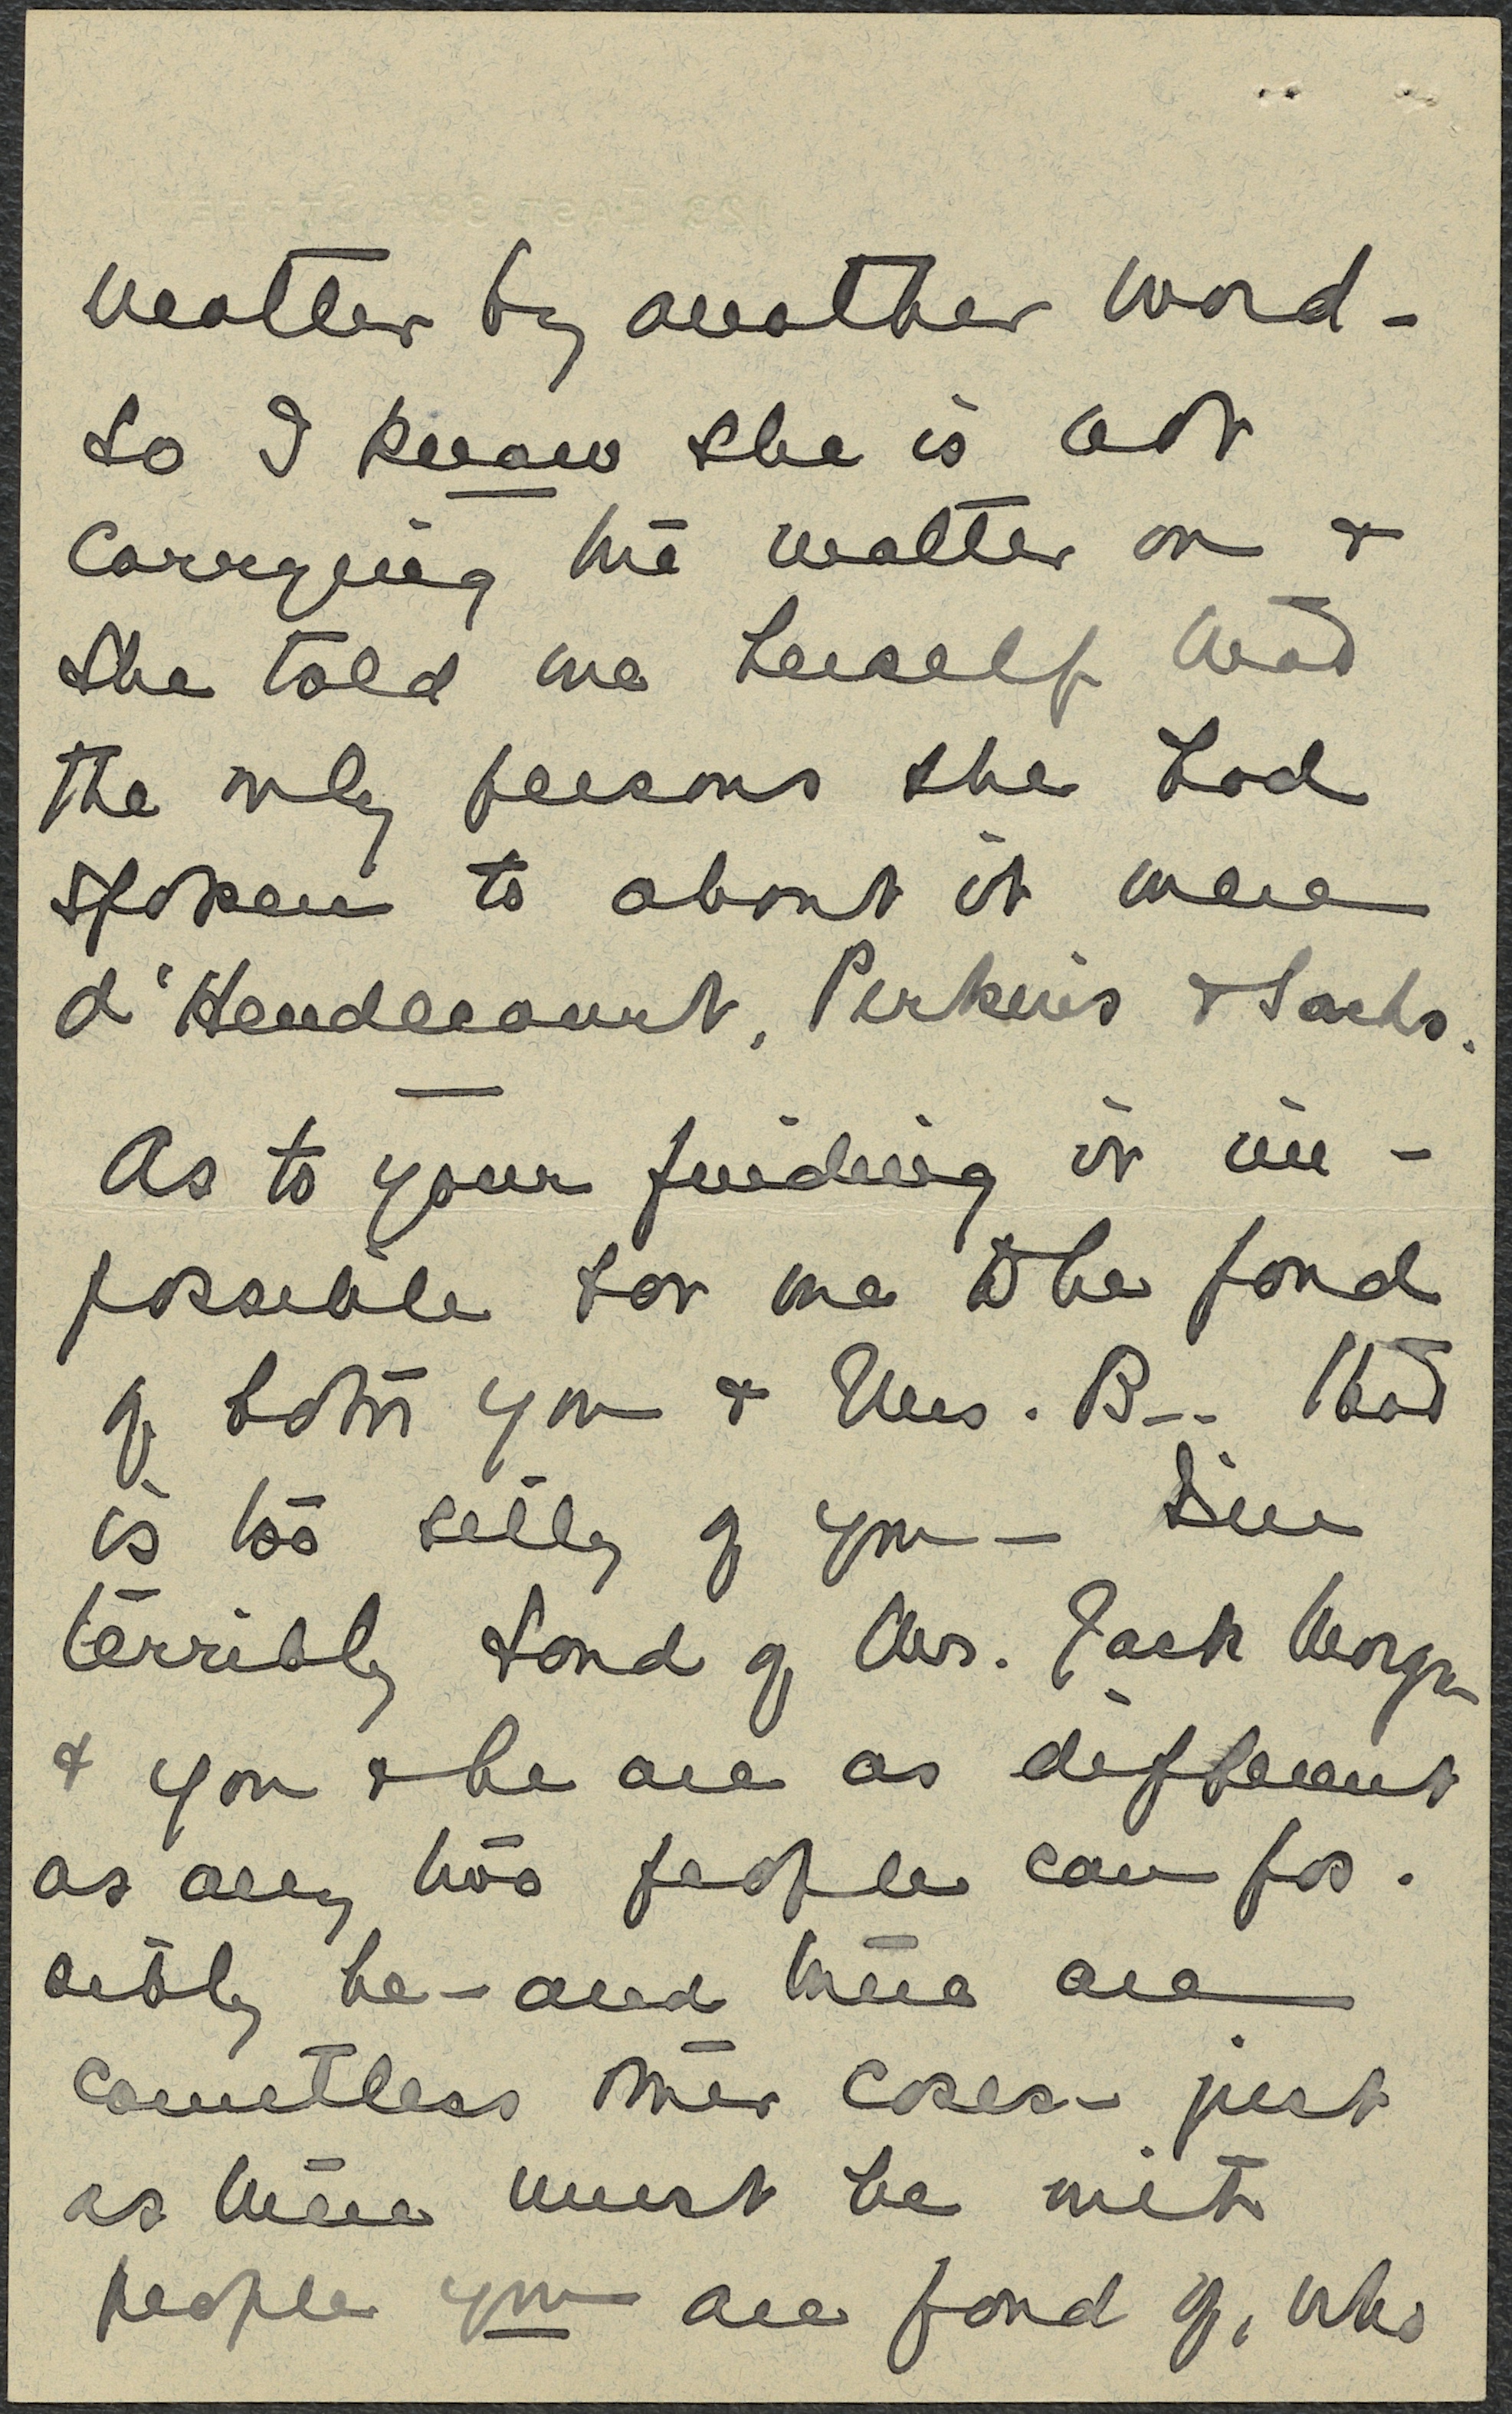matter by another word – so I know she is not carrying the matter on & she told me herself that the only persons she had spoken to about it were de'Hendecourt, Perkins & Sachs.
As to your finding it impossible for me to be fond of both you & Mrs. B. – that is too silly of you – I'm terribly fond of Mr. Jack Morgan & you & he are as different as any two people can possibly be – and there are countless other cases – just as there must be with people you are fond of, who